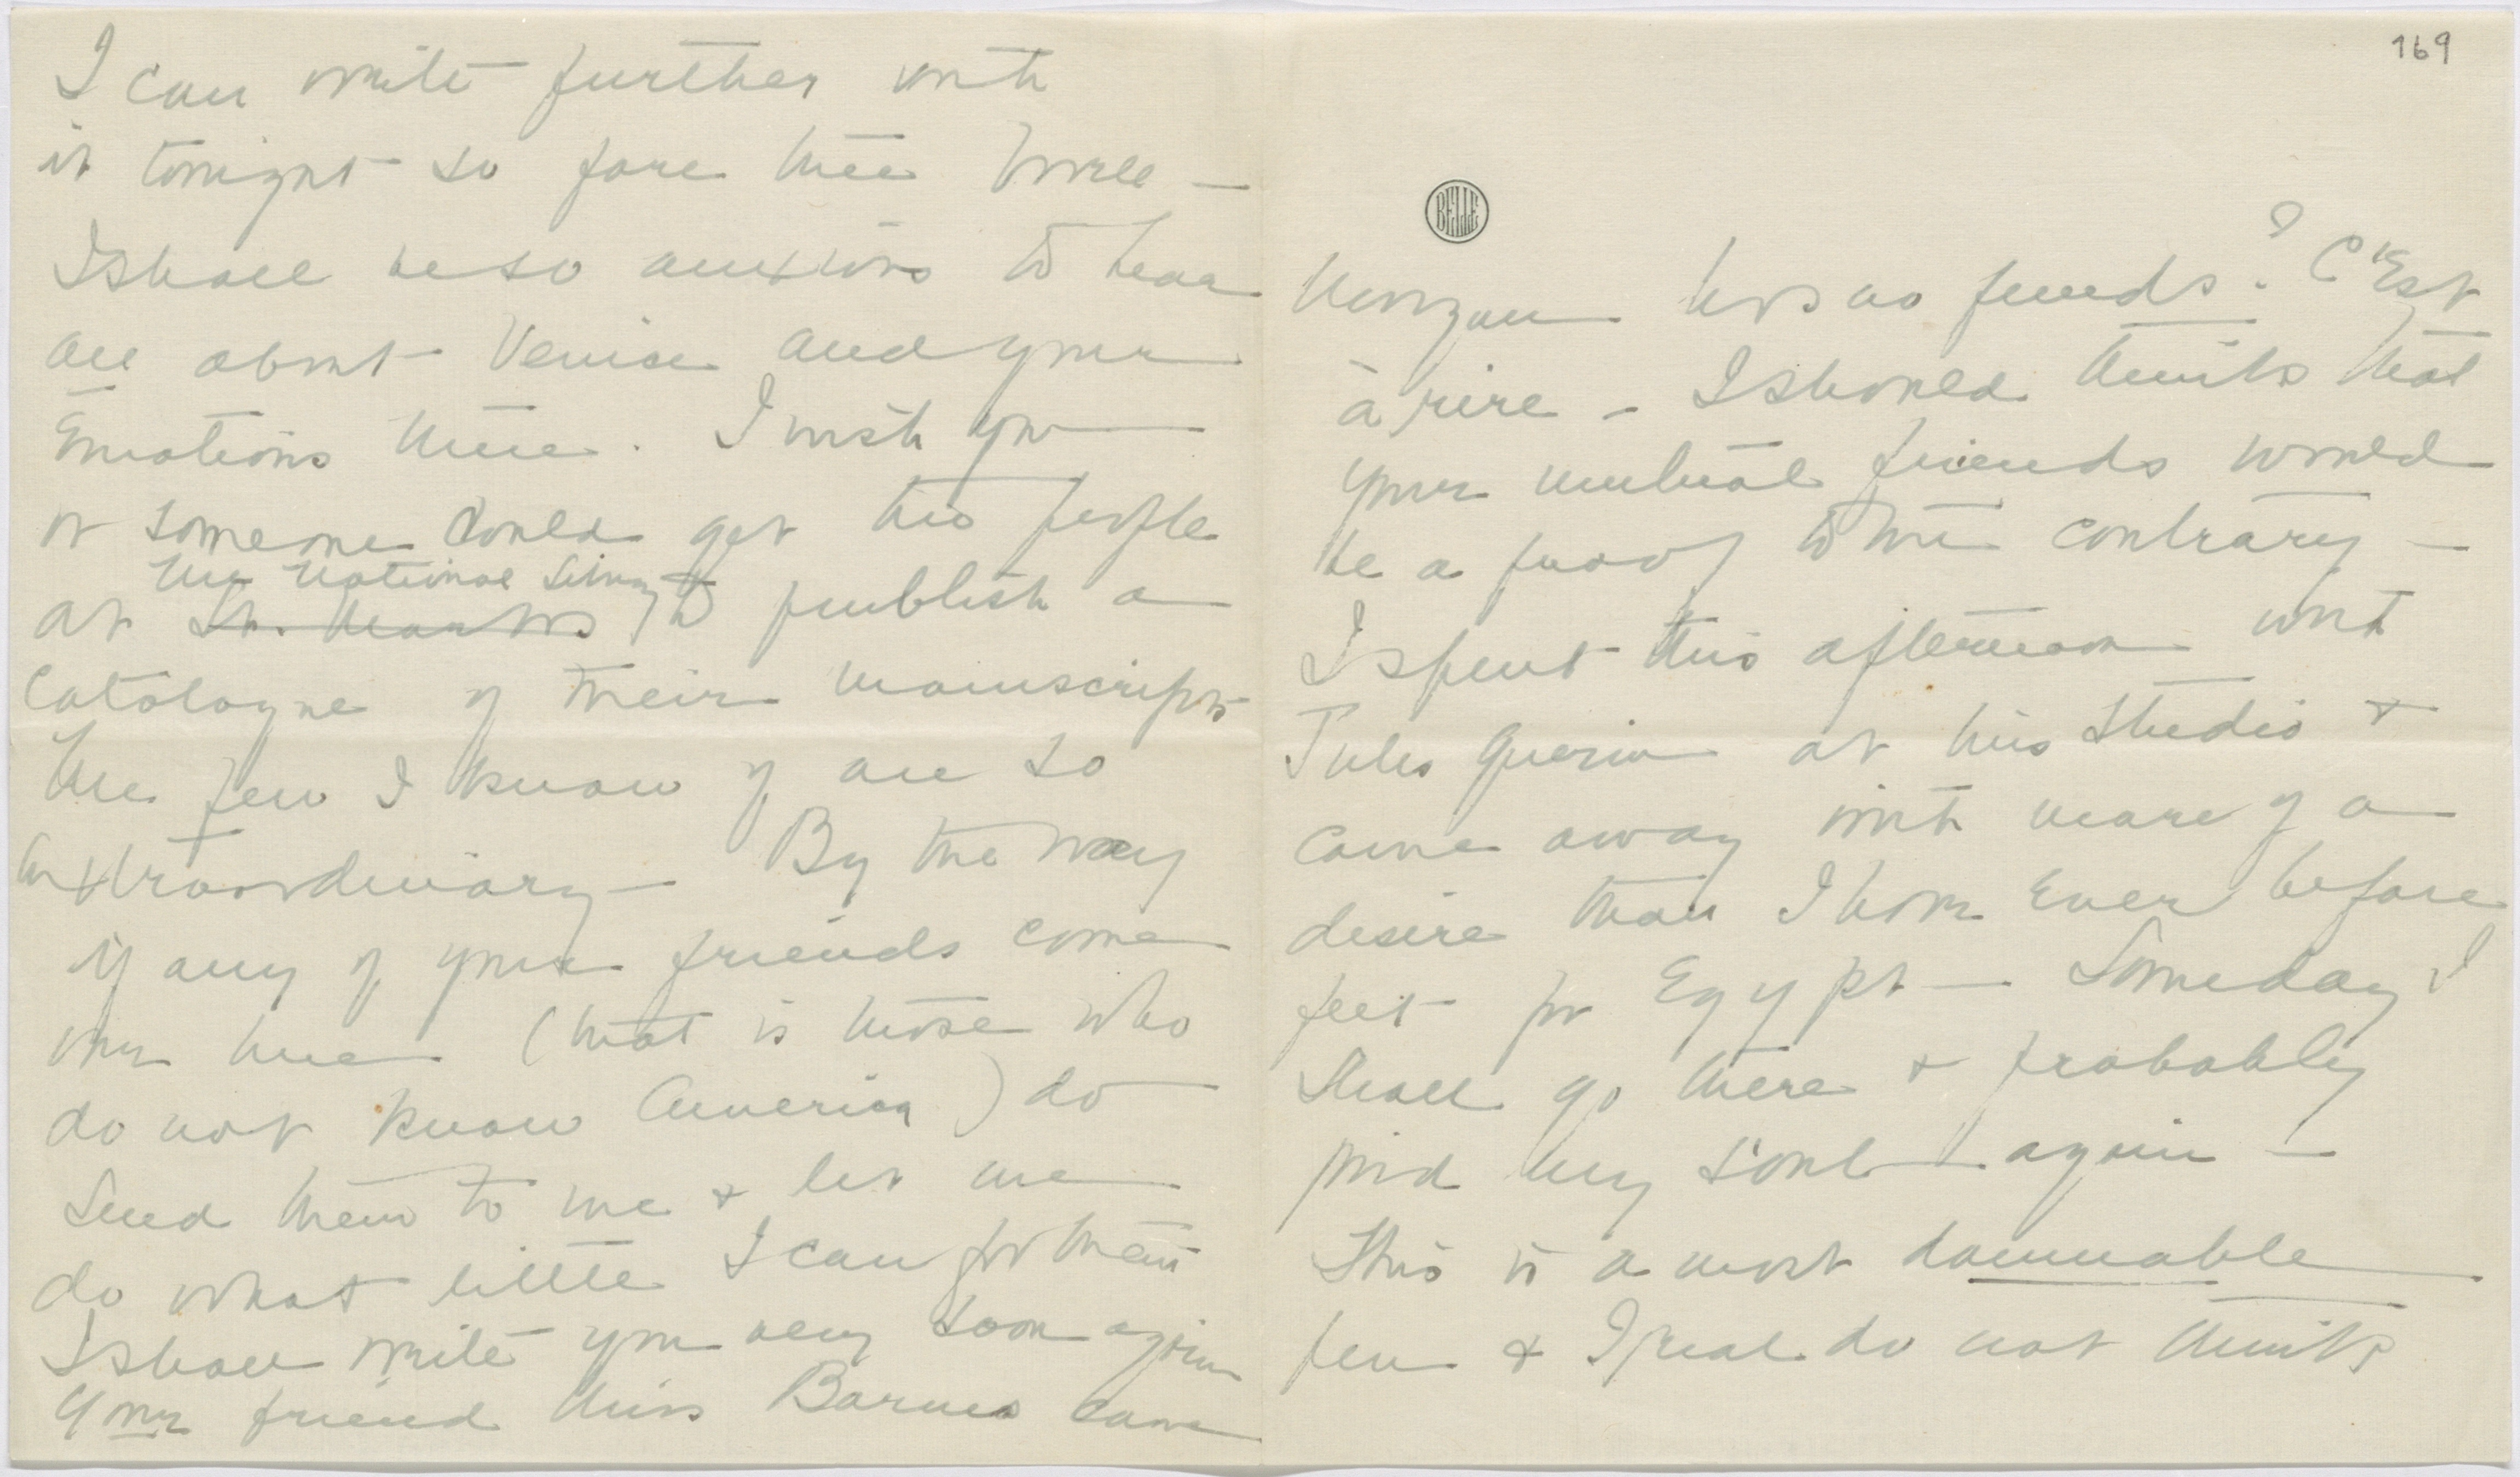Morgan has no friends? C’est à rire – I should think that your mutual friends would be a proof to the contrary –
I spent this afternoon with Jules Guerin at his studio & came away with more of a desire than I have ever before felt for Egypt – Someday I shall go there & probably find my soul – again –
This is a most damnable pen & I real [sic] do not think
I can write further with it tonight so fare thee well –
I shall be so anxious to hear all about Venice and your emotions there. I wish you or someone could get the people at St. Marks ˆthe National Libraryˆ to publish a catalogue of their manuscripts
The few I know of are so extraordinary – By the way if any of your friends come over here (that is those who do not know America) do send them to me & let me do what little I can for them –
I shall write you very soon again
Your friend Miss Barnes came